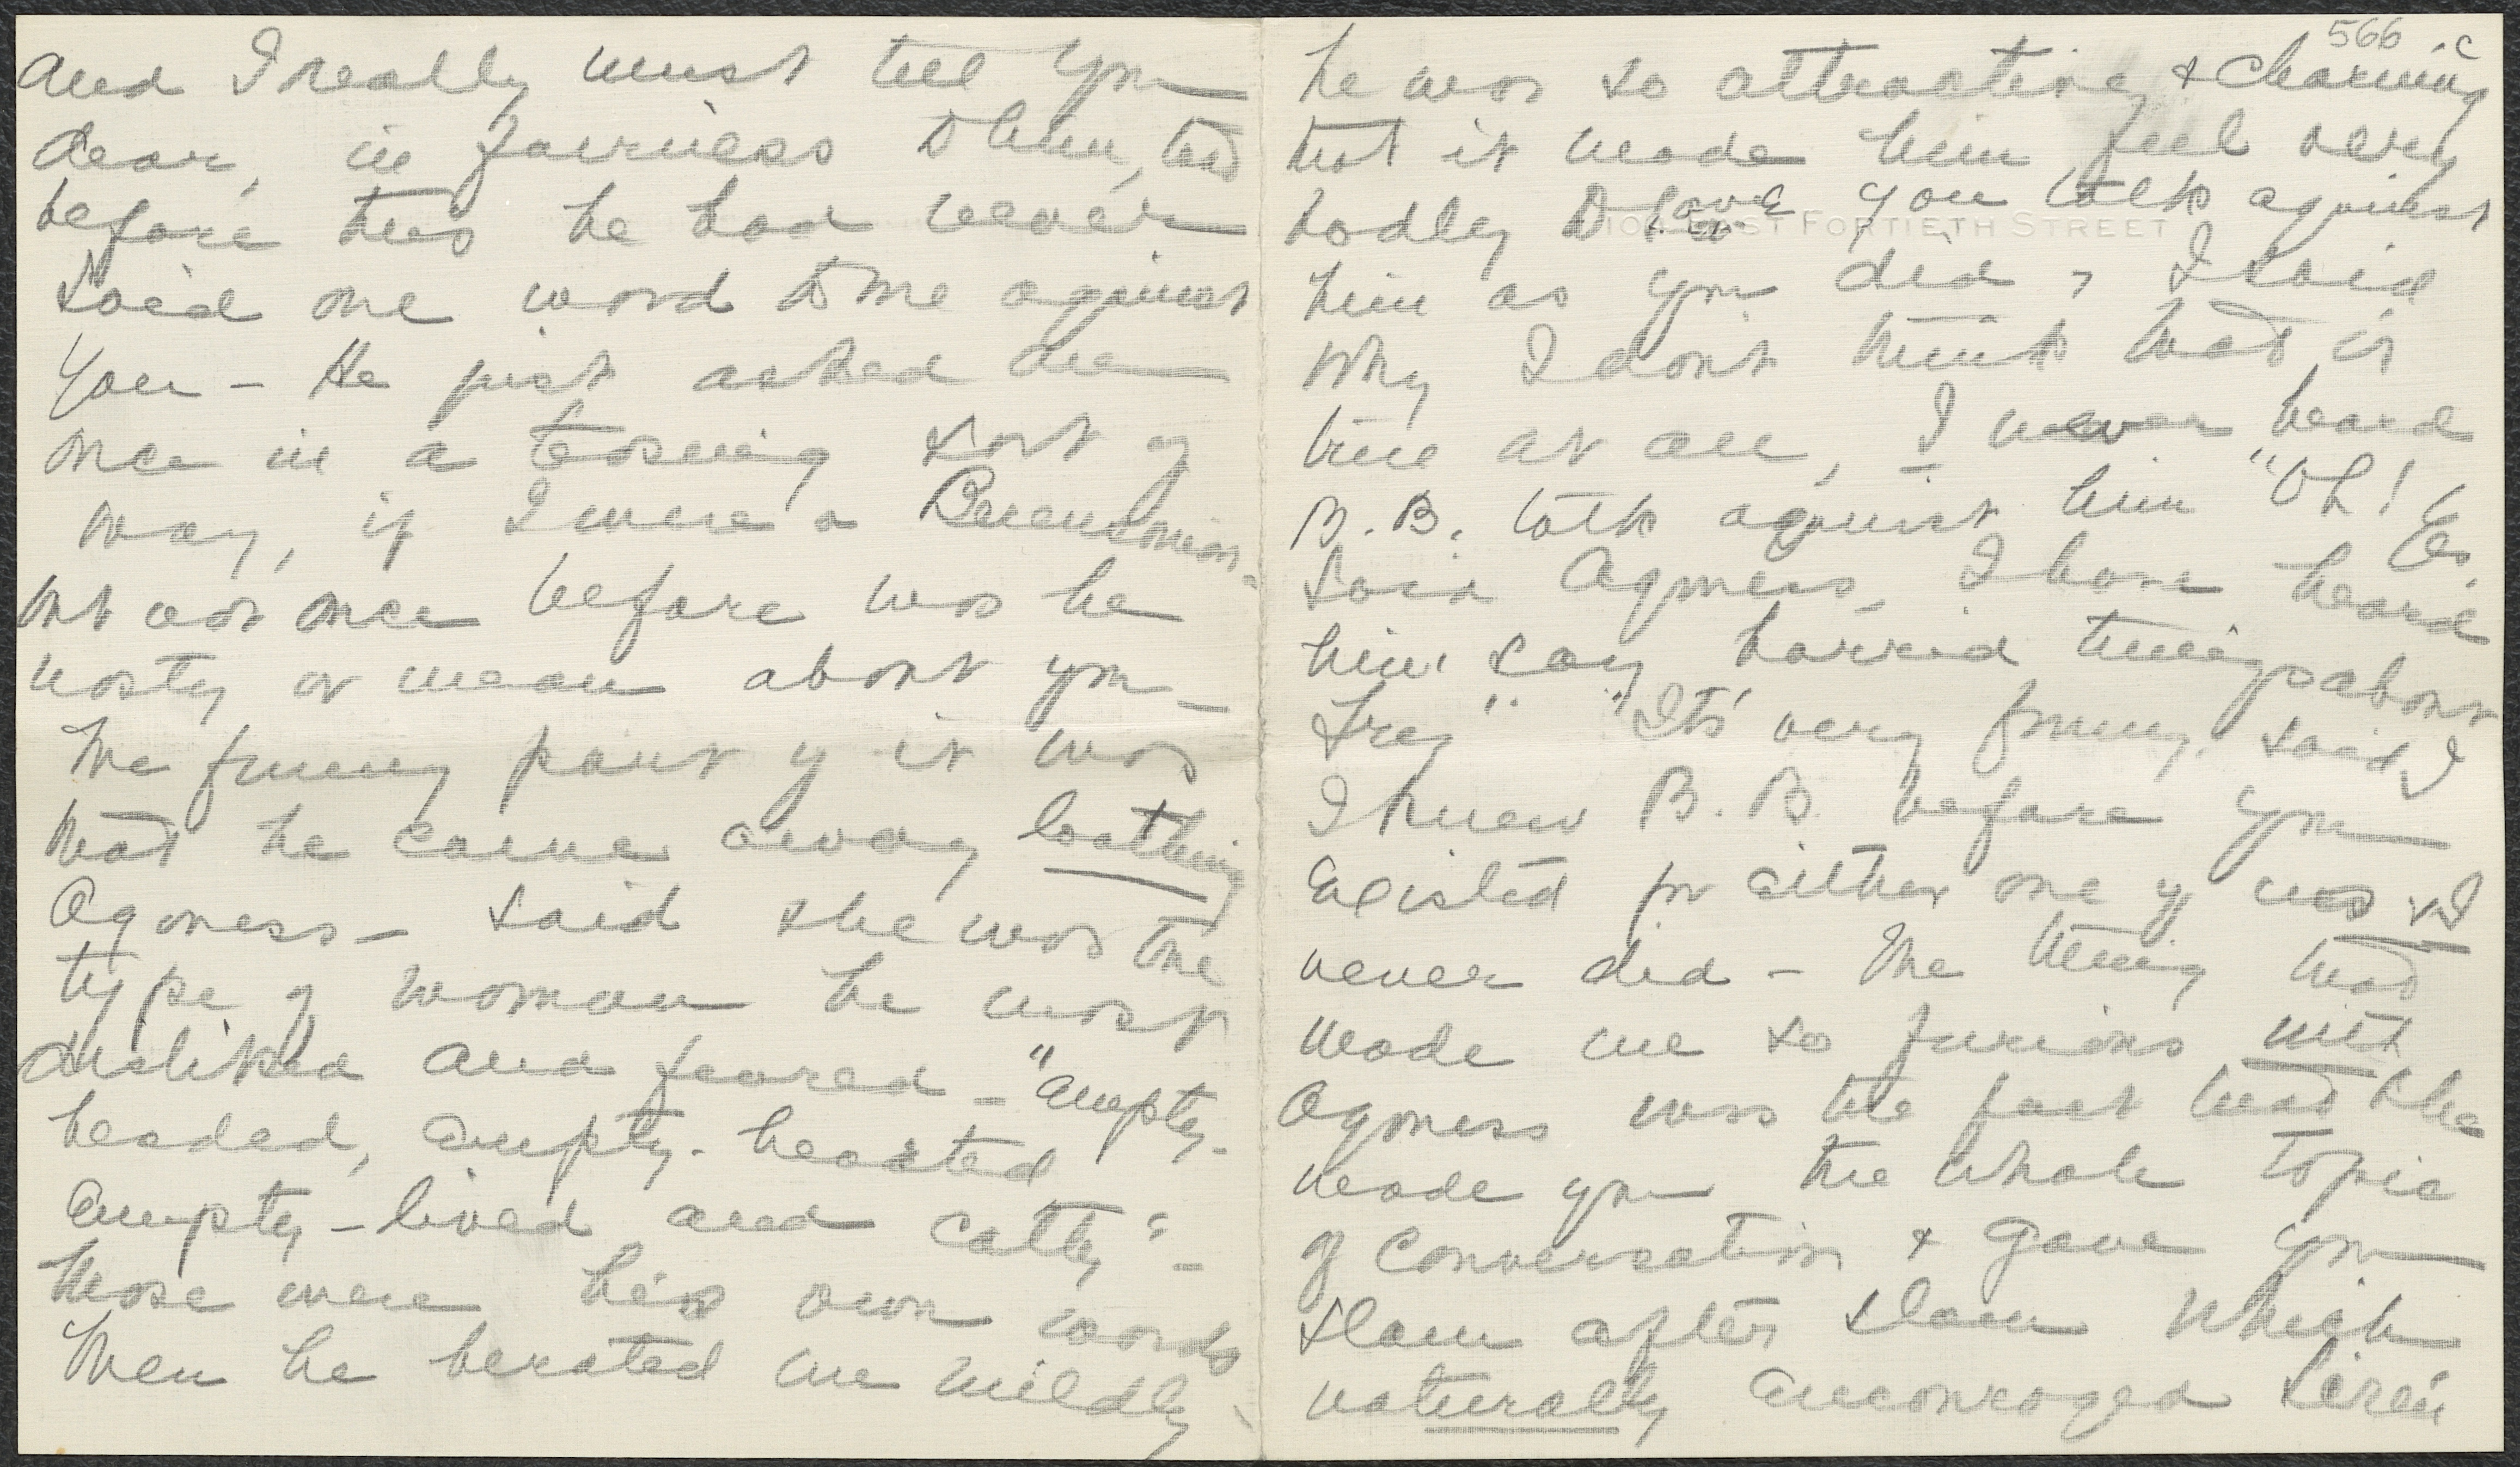he was so attractive & charming that it made him feel very badly to have you talk against him as you did, I said why I don’t think that is true at all, I never heard B.B. talk against him “Oh! Yes, said Agoness, I have heard him say horrid things about Fry” It’s very funny, said I
I knew B.B before you existed for either one of us & I never did – the thing that made me so furious with Agoness was the fact that she made you the whole topic of conversation & gave you slam after slam which naturally encouraged Sirén
and I really must tell you dear, in fairness to him, that before this he had never said one word to me against you – He just asked me once in a teasing sort of way, if I were a Berensonian, but not once before was he nasty or mean about you – The funny part of it was that he came away loathing Agoness – said she was the type of woman he most disliked and feared – “empty-headed, empty-hearted empty-lived and catty” – those were his own words
Then he berated me mildly